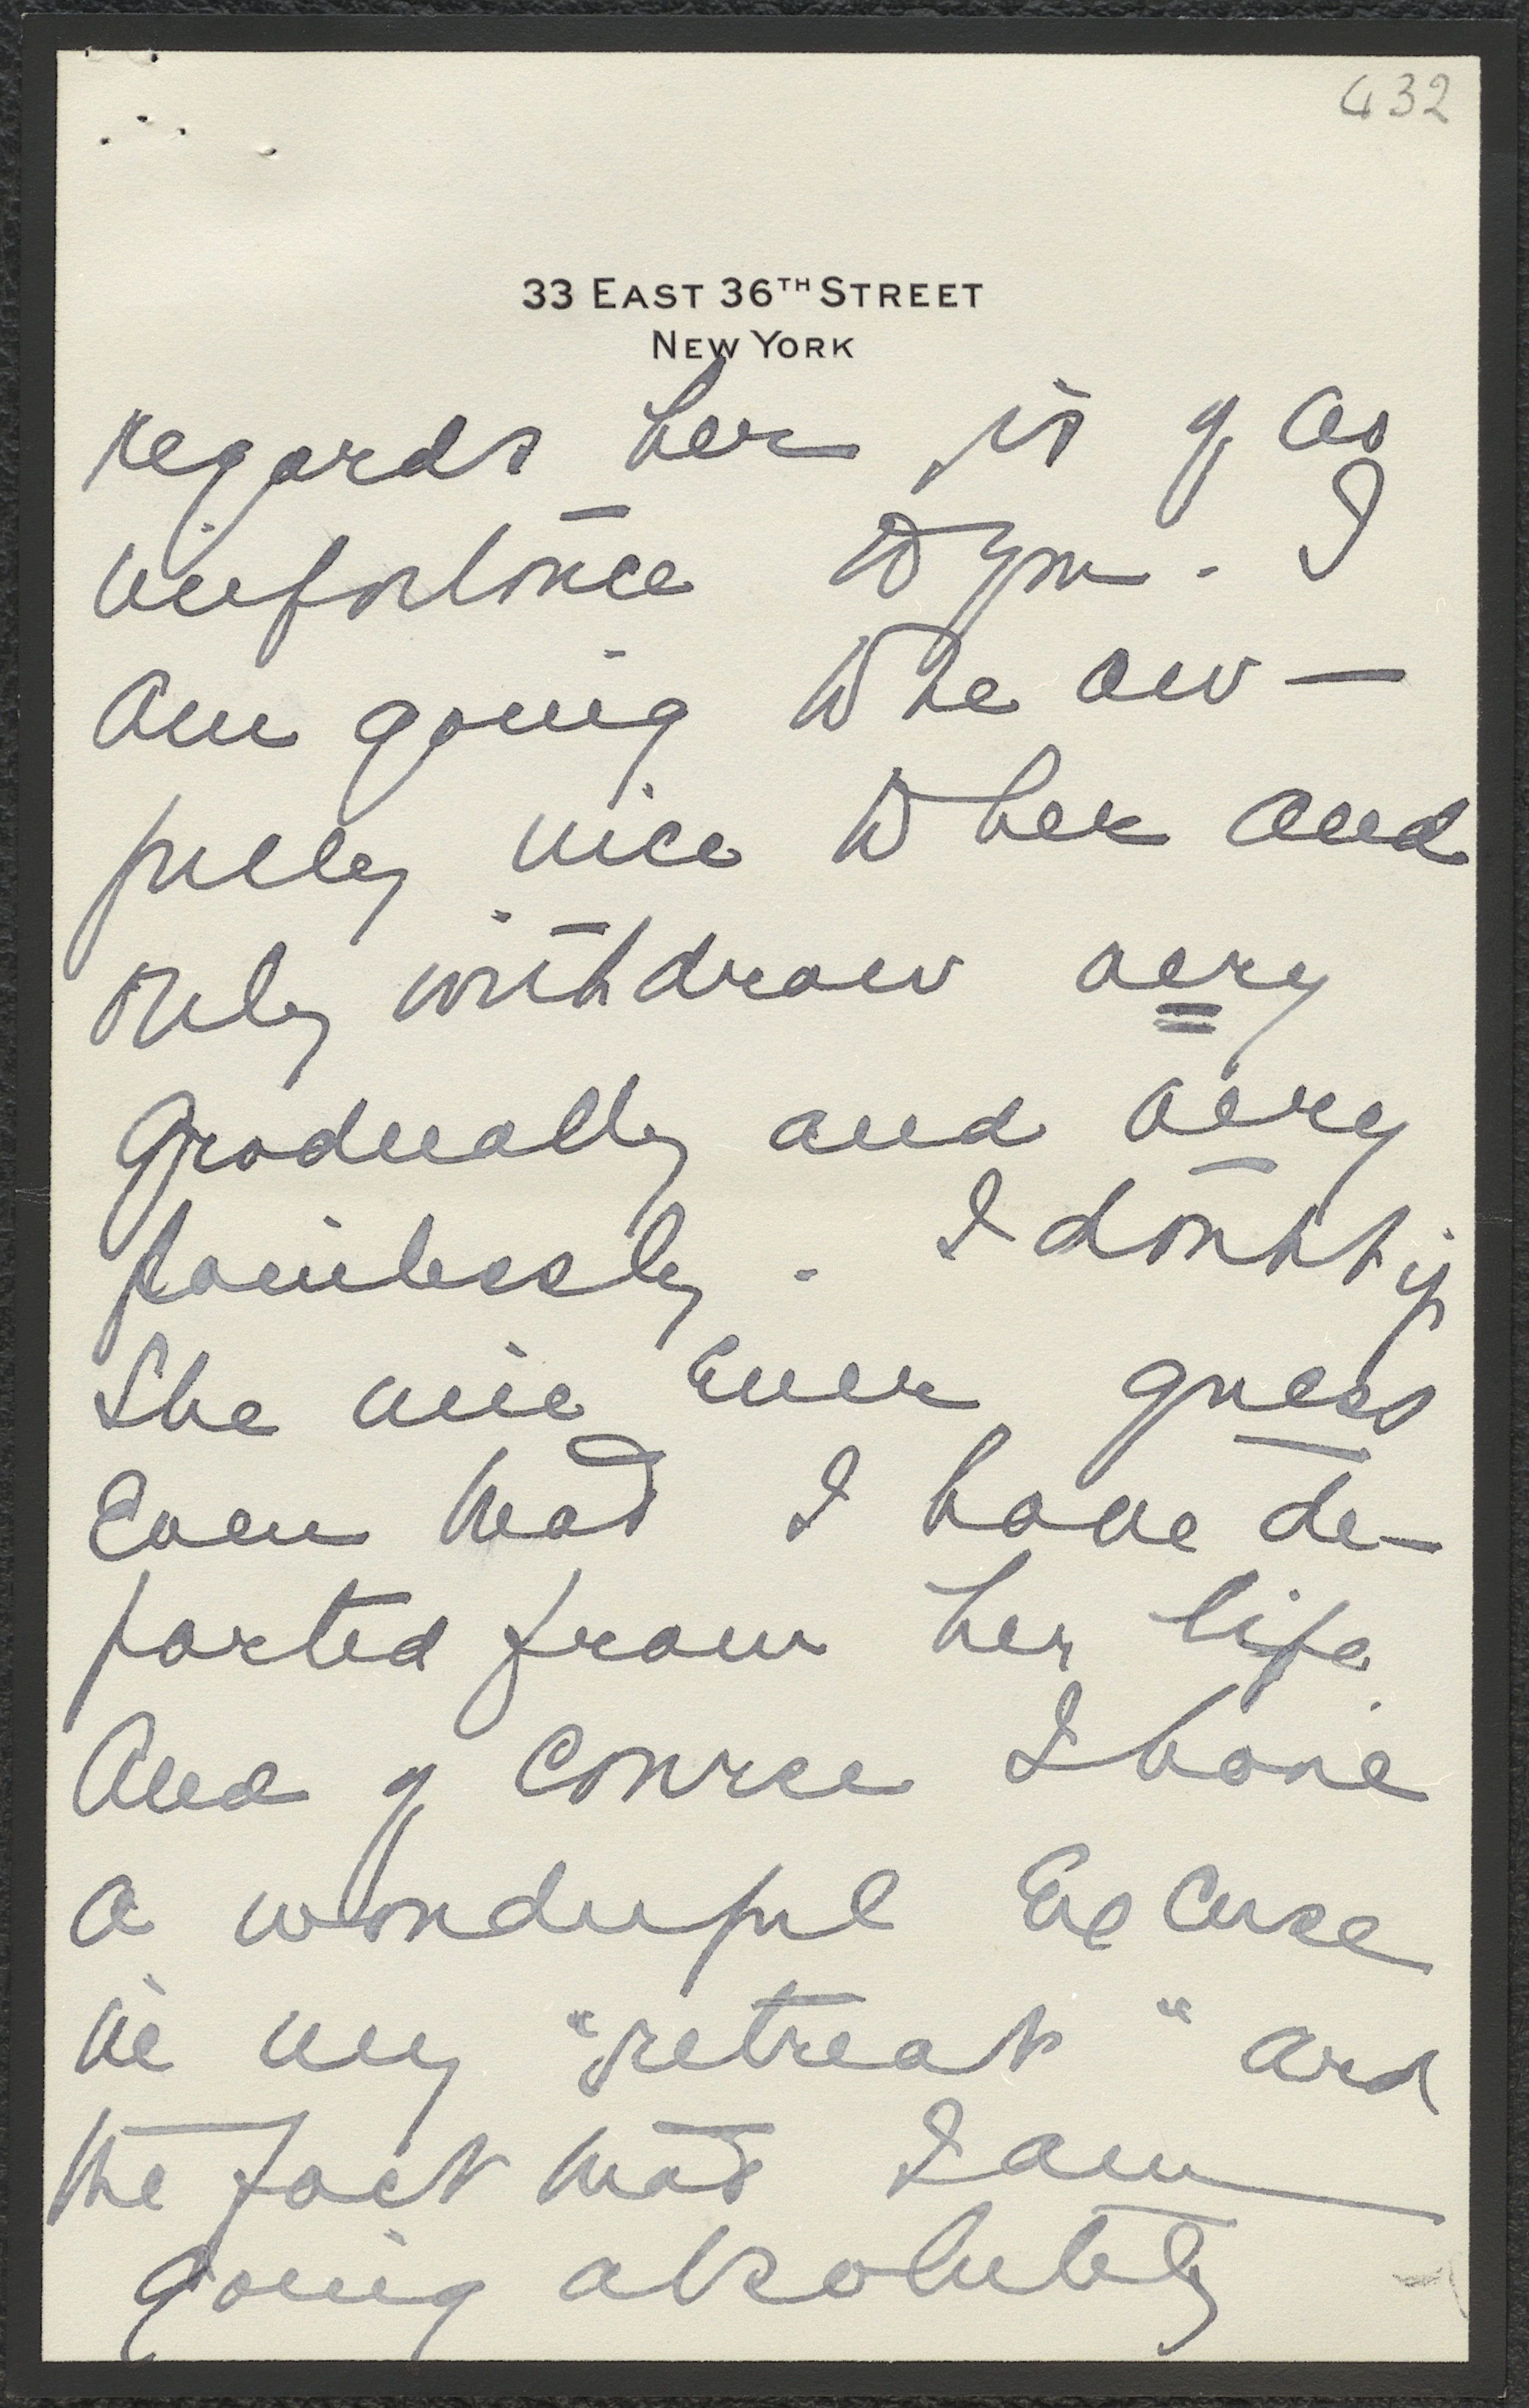regards her is of no importance to you. I am going to be awfully nice to her and only withdraw [double underlined: very] gradually and very painlessly. I doubt if she will ever guess even that I have departed from her life. And of course I have a wonderful excuse in my “retreat” and the fact that I am going absolutely